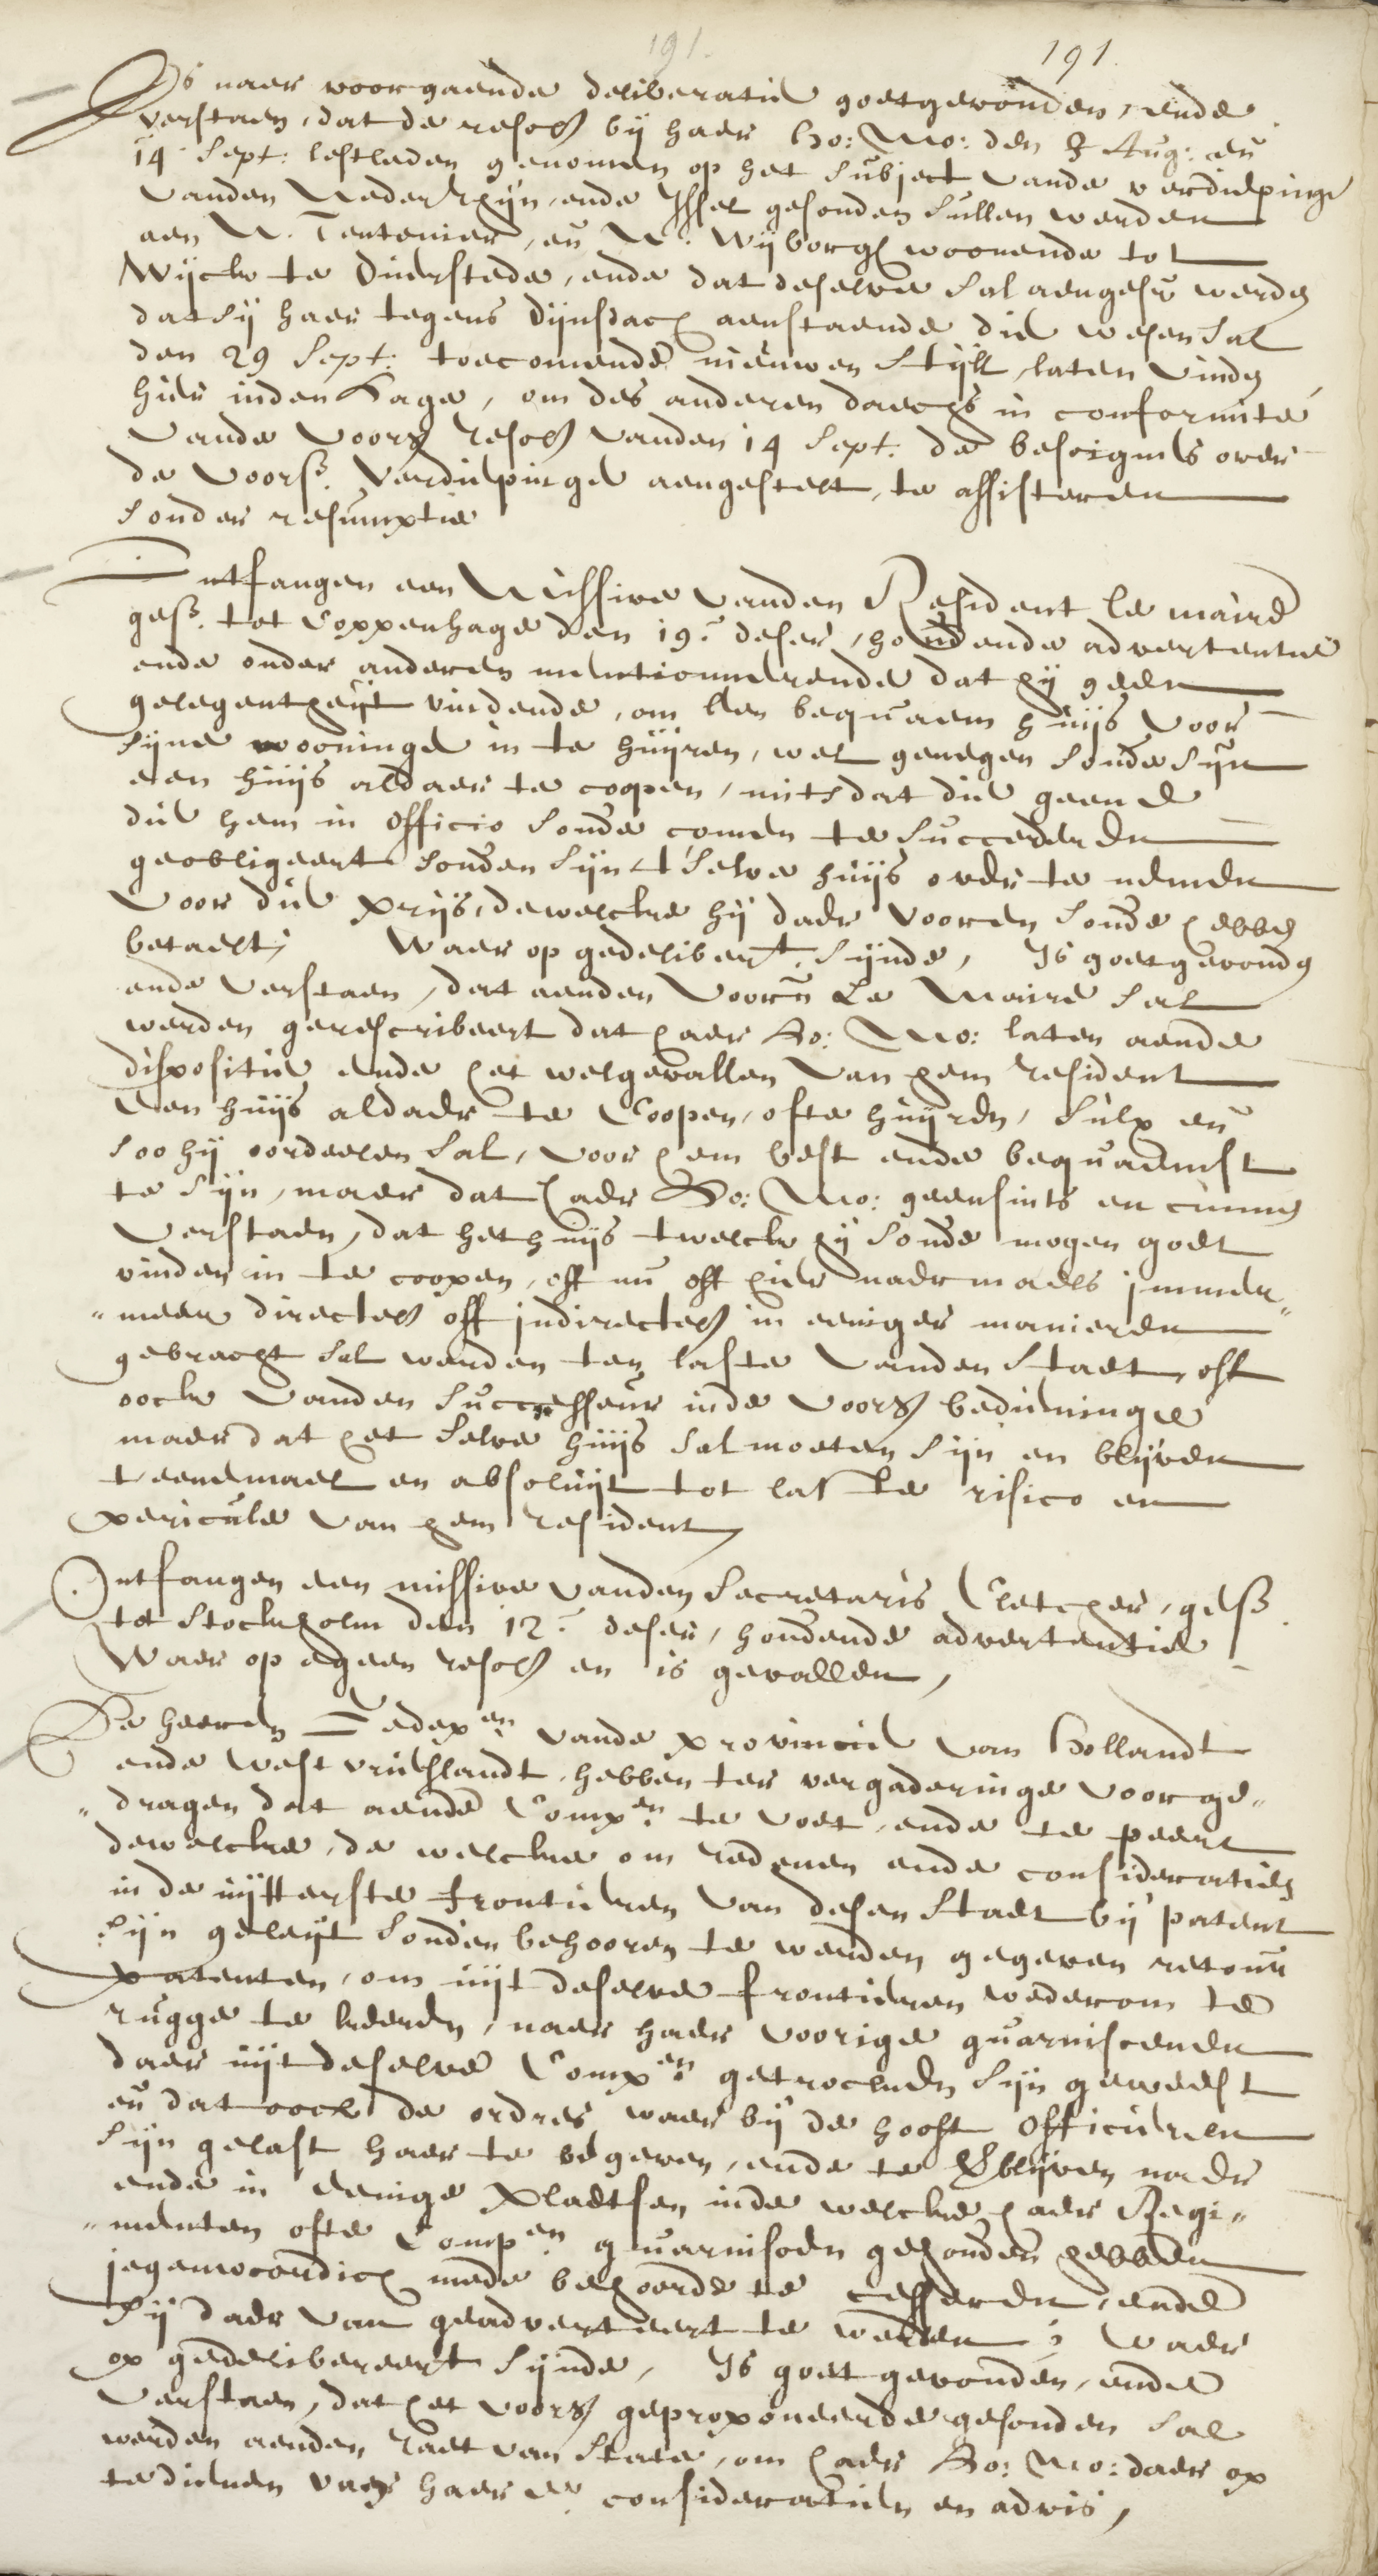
191.
191
Is naer voorgaende deliberatie goetgevonden, ende
verstaen, dat de resol bij haer Ho:Mo: den 3. Aug: en
14. sept: lestleden genomen op het subject vande verdiepinge
vanden Nederrhijn, ende Issel gesonden sullen werden
aen N. Tentenier, en N. Wijborgh woonende tot
Wijck te Duerstede, ende dat deselve sal aengesr werden
dat sij haer tegens dijnsdach aenstaende die wesen sal
den 29 Sept: toecomende nieuwen stijll, laten vinden
hier inden Hage, om des anderen daechs in conformité
vande voors. resol vanden 14 Sept: die besoignes over
de voors. verdiepinge aengestelt, te assisteren
sonder resumptie.
Ontfangen een Missive vanden Resident le maire
ges. tot coppenhage den 19e. deser, houdende advertentie
ende onder anderen mentionnerende dat hij geen
gelegentheijt vindende, om een bequaem huijs voor
sijne wooninge in te huijren, wel genegen soude Sijn
een huijs aldaer te coopen, mits dat die geene
die hem in officio soude comen te succederen
geobligeert souden sijn tselve huijs over te nemen
Voor die prijs, dewelcke hij daer vooren soude hebben
betaelt; Waerop gedelibert. sijnde, is goetgevonden
ende verstaen, dat aenden voorn Le Maire sal
werden gerescribeert dat haer Ho:Mo: laten aende
dispositie ende het welgevallen van hem resident
een huijs aldaer te coopen, ofte huijren, sulx en
soo hij oordeelen sal, voor hem best ende bequaemst
te sijn, maer dat haer Ho:Mo: geensints en cunnen
verstaen, dat het huijs twelck hij soude mogen goet
vinden in te coopen, oft nu oft hier naermaels immer„
„meer directel oft indirectel in eeniger manieren
gebracht sal werden ten laste vanden Staet, off
oock vanden successeur inde voors bedieninge
maer dat het selve huijs sal moeten sijn en blijven
t eenemnael en absoluijt tot laste risico en
pericule van hem resident
Ontfangen een missive vanden Secretaris Cletcher, ges.
tot Stockholm den 12e. desen, houdende advertentie
Waerop egeen resol en is gevallen
De heeren Gedepen vande provincie van Hollandt
ende Westvrieslandt, hebben ter vergaderinge voorge„
,,dragen dat aende Compen. te voet ende te peert
dewelcke, de welcke om redenen ende consideratien
in de uijtterste frontieren van desen Staet bij patent
sijn geleijt souden behooren te werden gegeven retour
patenten, om uijt deselve frontieren wederom te
rugge te keeren, naer haer voorige guarnisoenen
daer uijt deselve Compen. getrocken sijn geweest
en dat oock de ordres waer bij de hooft officieren
sijn gelast haer te begeven, ende te vblijven naer
ende in eenige Plaetsen inde welcke haer Regi„
„menten ofte Compen. guarnisoen gesonden hebben
jegenwoordich mede behoorde te cesseren, ende
sij daer van geadverteert te werden: Waer
op gedelibereert sijnde, is goetgevonden, ende
verstaen, dat het voors geproponeerde gesonden sal
werden aenden Raet van State, om haer Ho:Mo: daer op
te dienen vaer haer E. consideratien en advis.
